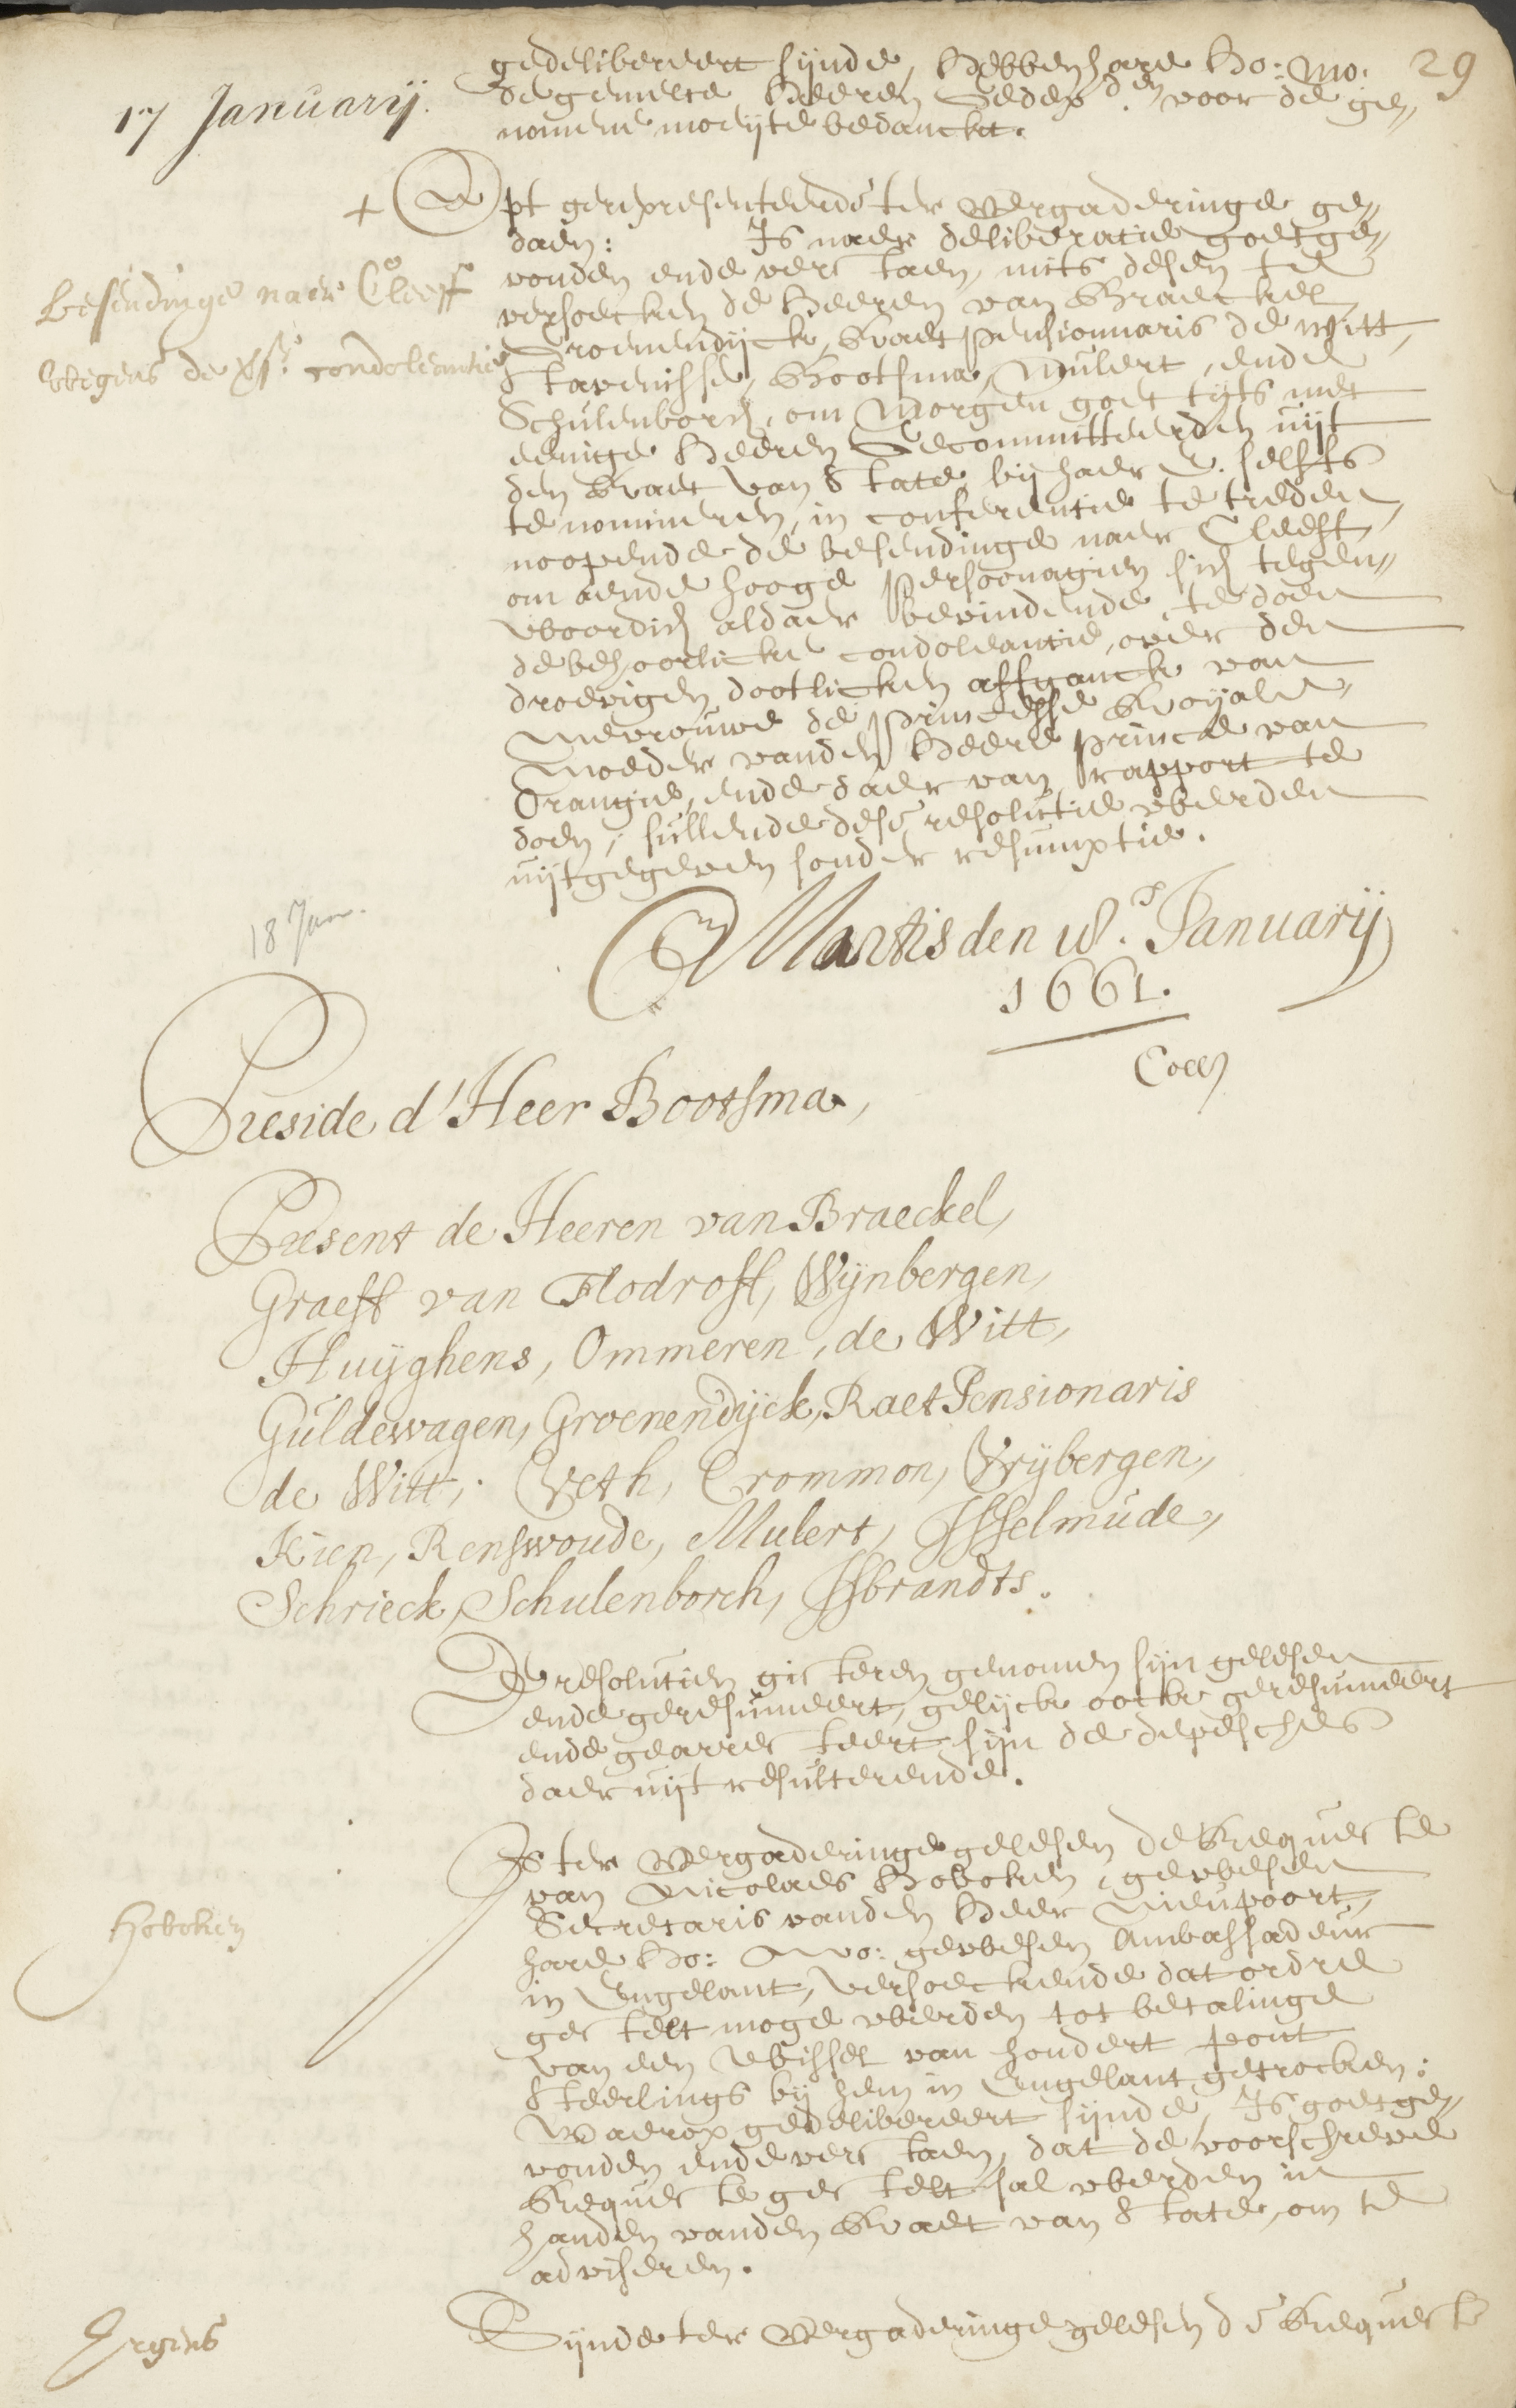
29
17 Januarij
gedelibereert sijnde, hebben hare Ho:Mo:
de gemelte Heeren Gedepden voor de ge,,
nomene moeijte bedanckt.
Besendinge naer Cleeff
wegens de vs. condoleantie
Opt gerepresenteerde ter Vergaderinge ge„
daen: Is naer deliberatie goetge,,
vonden ende verstaen, mits desen te
versoecken de Heeren van Braeckel,
Groenendijck, Raetpensionnaris de Witt,
Stavenisse, Bootsma, Mulert, ende
Schulenborch, om morgen goet tijts met
eenige Heeren Gecommitteerden uijt
den Raet van State bij haer E. selffs
te nomineren, in conferentie te treden,
noopende de besendinge naer Cleeff
om aende hooge persoonagien sich tegen„
woordich aldaer bevindende, te doen
de behoorlicke condoleantie, over den
droevigen dootlicken affganck van
mevrouwe de Princesse Roijale,
moeder vanden Heere prince van
Orangne ende daer van rapport te
doen; sullende dese resolutie werden
uijtgegeven sonder resumptie.
18 Jan.
Martis den 18en Januarij
1661.
Coll
Preside d'Heer Bootsma,
Present de Heeren van Braeckel,
Graeff van Flodroff, Wijnbergen,
Huijghens, Ommeren, de Witt,
Guldewagen, Groenendijck, Raet Pensionaris
de Witt, Veth, Crommon, Vrijbergen,
Kien, Renswoude, Mulert, Isselmude,
Schrieck, Schulenborch, Isbrandts.
D'resolutien gisteren genomen sijn gelesen
ende geresumeert, gelijck oock geresumeert
ende gearresteert sijn de depesches
daeruijt resulterende.
Hoboken.
Is ter vergaderinge gelesen de Requeste
van Nicolaes Hoboken, gewesen
Secretaris vanden Heer Nieupoort,
hare Ho:Mo: gewesen Ambassadeur
in Engelant, versoeckende dat ordre
gestelt moge werden tot betalinge
van een Wissel van hondert pont
Steerlings bij hem in Engelant getrocken:
Waerop gedelibereert sijnde, Is goetge,,
vonden ende verstaen, dat de voorschreve
Requeste gestelt sal werden in
handen vanden Raet van State, om te
adviseren.
Degens
Sijnde ter Vergaderinge gelesen de Requeste
